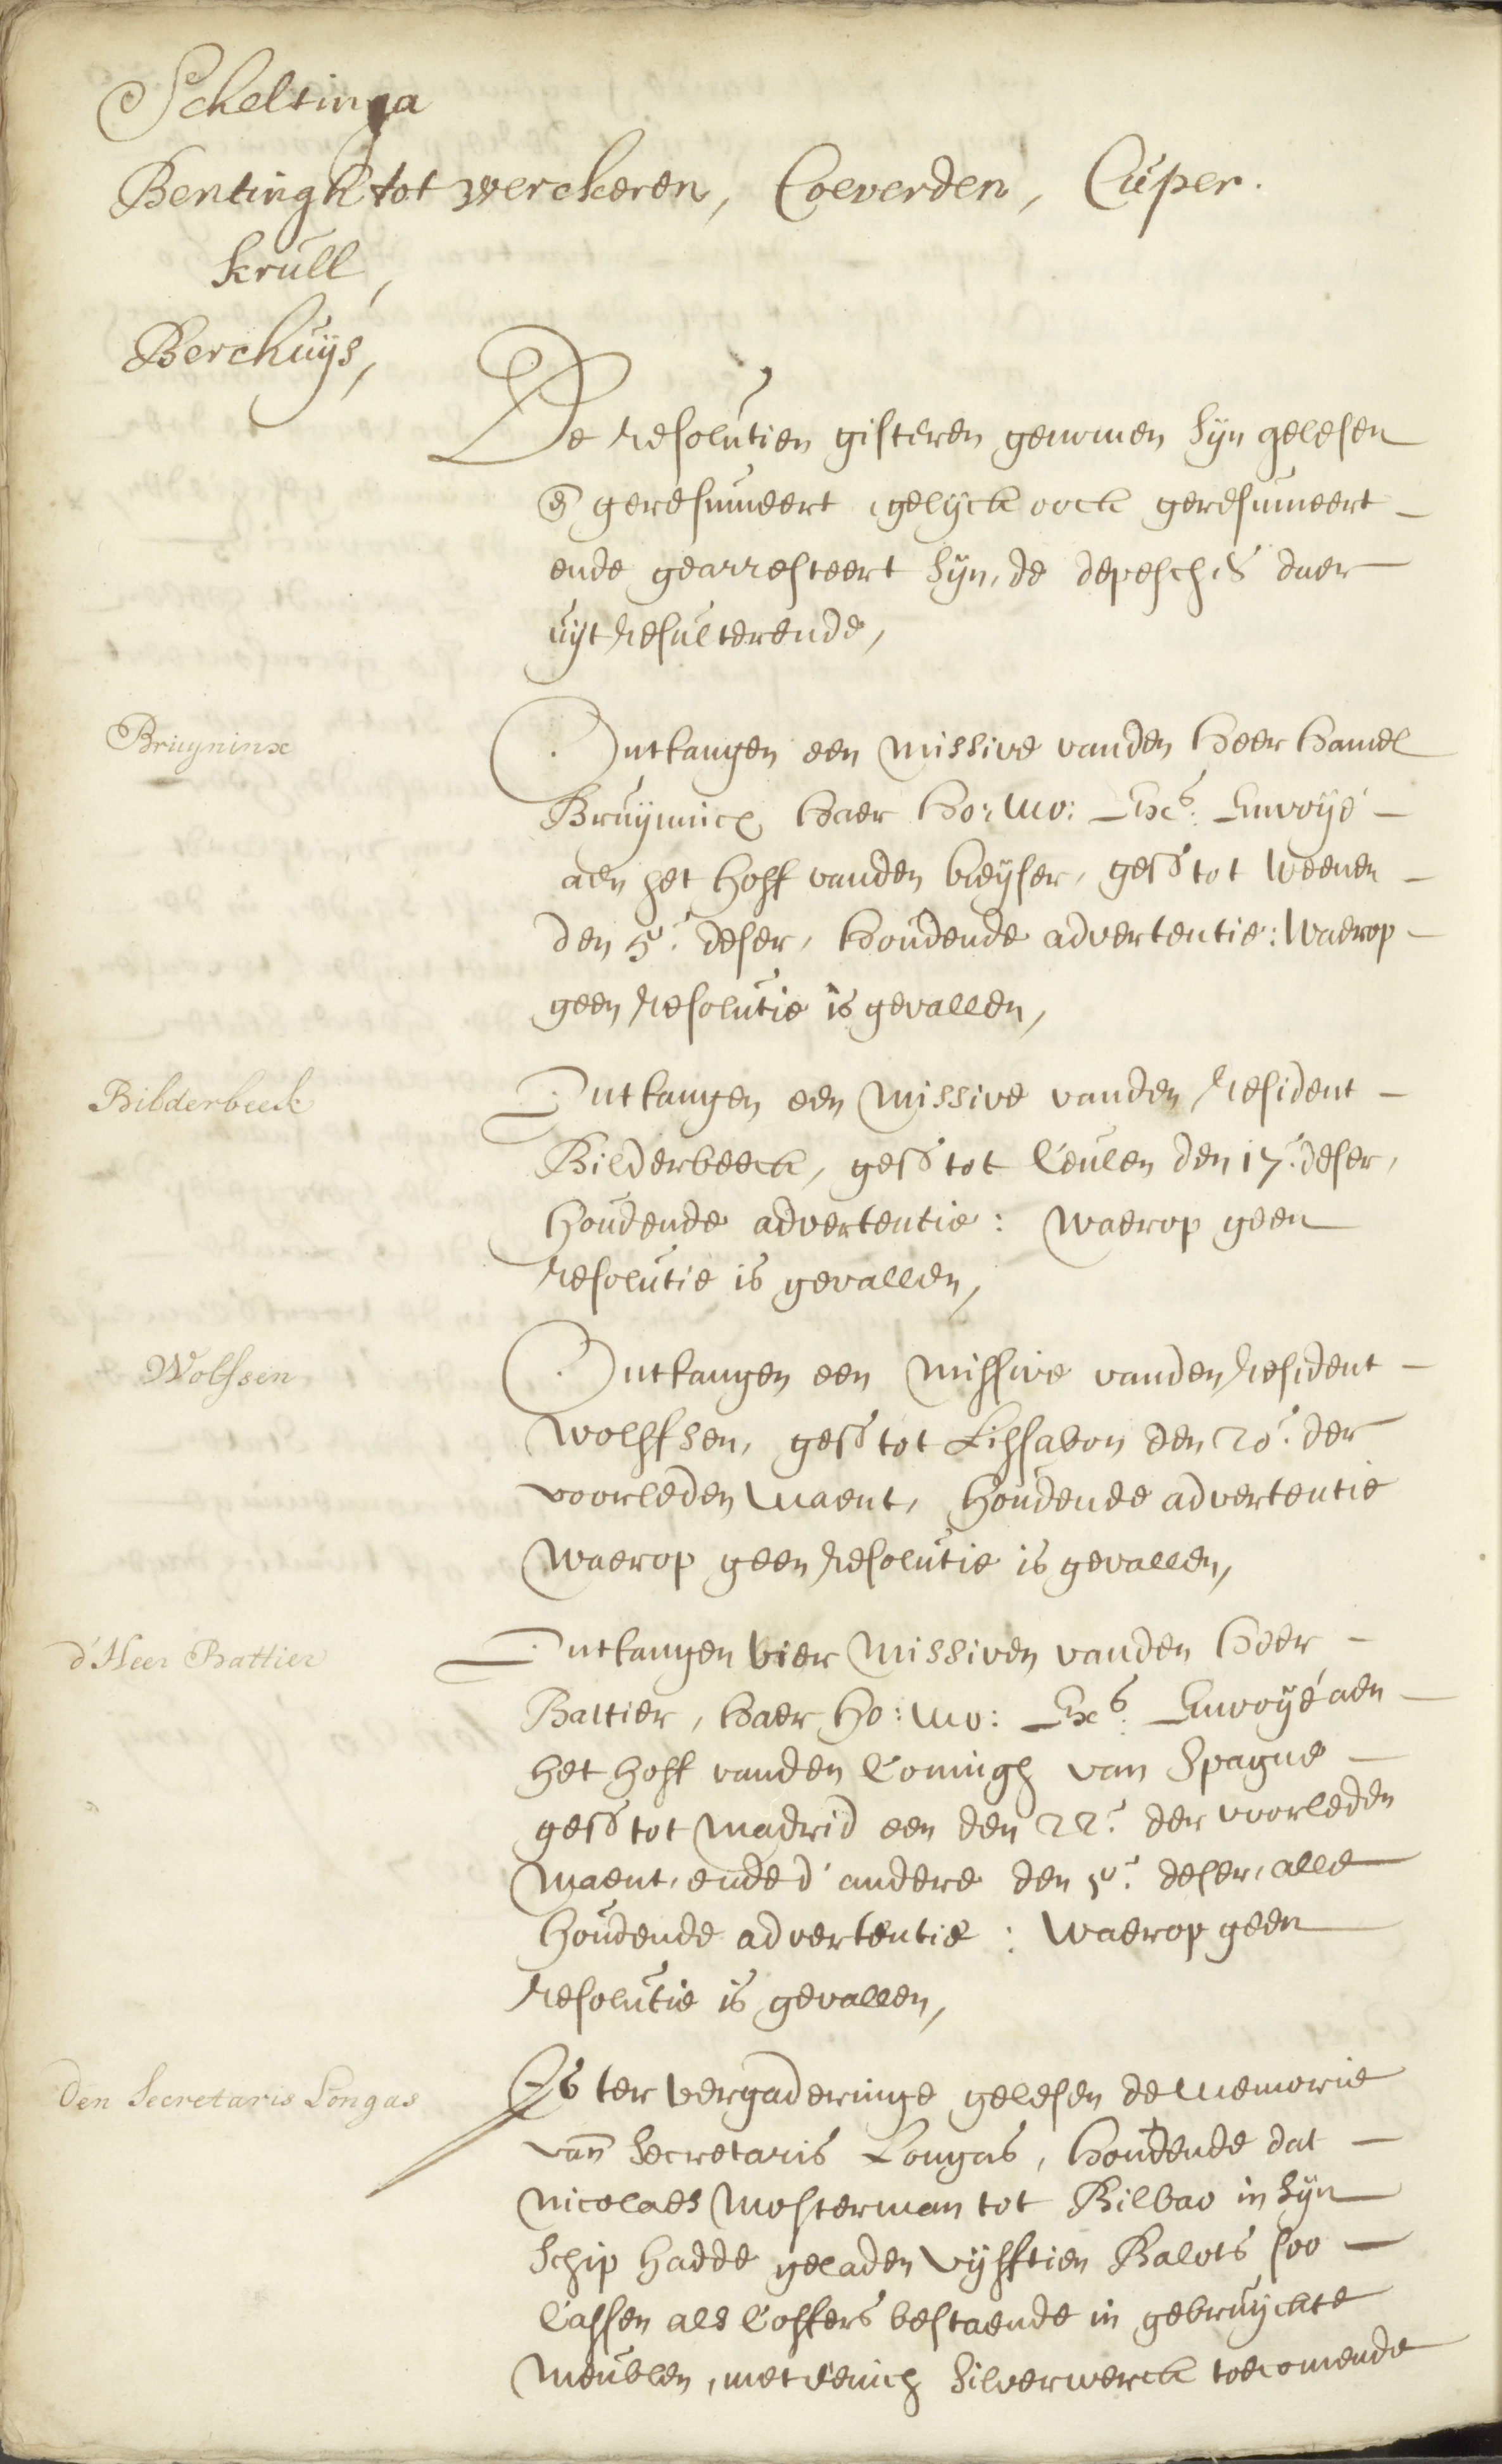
Scheltinga
Bentingh tot werckeren, Coeverden, Cuper
krull,
Berchuijs,
De resolutien gisteren genomen sijn gelesen
& geresumeert, gelijck oock geresumeert -
ende gearresteert sijn, de depesches daer
uijt resulterende.
Bruyninx
Ontfangen een missive vanden heer hamel
Bruijnincx haer ho:mo: Exs. Envoijé -
aen het hoff vanden keijser, gess. tot Weenen -
den 5e. deser, houdende advertentie: Waerop -
geen resolutie is gevallen.
Bilderbeek
Ontfangen een missive vanden resident -
Bilderbeeck, gess. tot Ceulen den 17e. deser,
houdende advertentie: Waerop geen
resolutie is gevallen.
Wolfsen
Ontfangen een missive vanden resident -
wolffsen, gess. tot Lissabon den 20e. der
voorleden maent, houdende advertentie
Waerop geen resolutie is gevallen.
d'Heer Battier
Ontfangen vier missiven vanden heer -
Battier, haer ho:mo Exs. Envoijé aen —
het hoff vanden Coningh van Spagne —
gess. tot madrid een den 22e. der voorleden
maent, ende d'andere den 10e. deser, alle
houdende advertentie: Waerop geen
resolutie is gevallen.
den Secretaris Longas
Is ter vergaderinge gelesen de memorie
van Secretaris Longas, houdende dat —
nicolaes Mosterman tot Bilbao in sijn
schip hadde geladen vijfftien Balots soo —
cassen als coffers bestaende in gebruijckte
meublen, met eenich silverwerck toecomende
